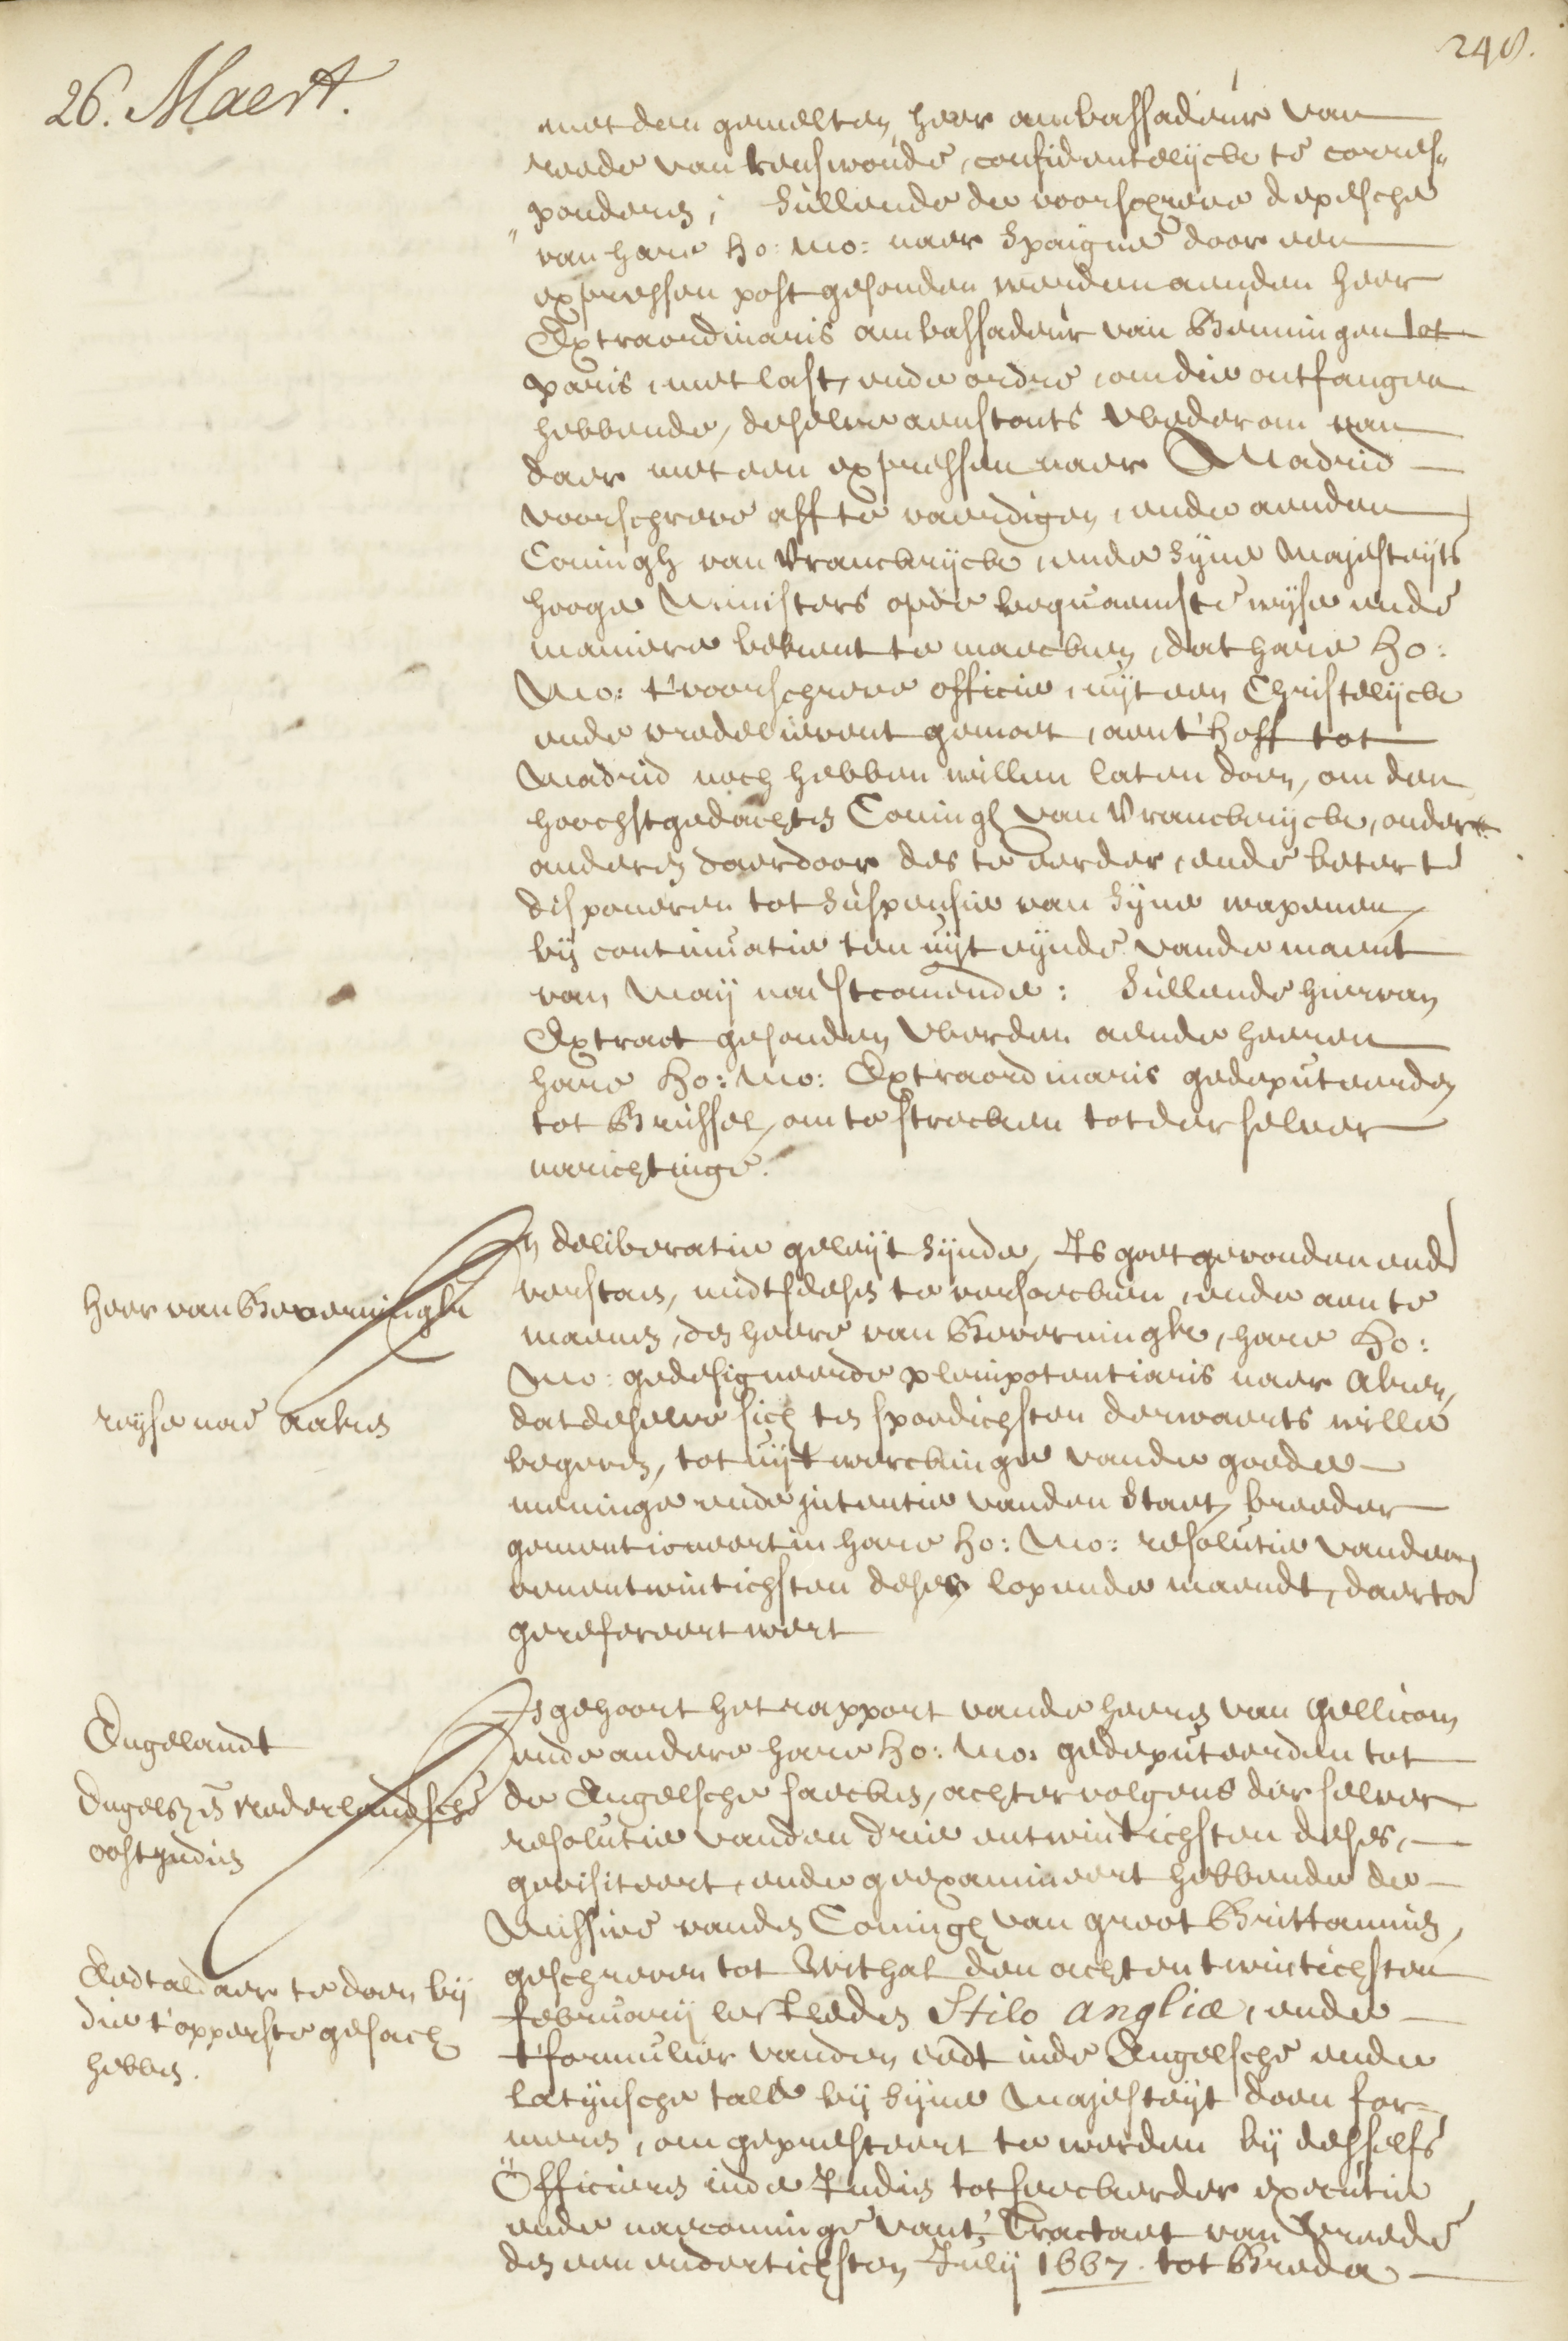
248.
26. Maert.
met den gemelten heer ambassadeur van
reede van renswoude, confidentelijck te corres,,
„ponderen; Sullende de voorschreve depesche
van hare Ho:Mo: naer Spaigne door een
expressen post gesonden werden aenden heer
Extraordinaris ambassadeur van Beuningen tot
paris, met last, ende ordre, om die ontfangen
hebbende, deselve aenstonts wederom van
daer met een expressen naer Madrid
voorschreve aff te vaerdigen, ende aenden
Coningh van Vranckrijck, ende sijne Majesteijts
hooge Ministers opde bequaemste wijse ende
maniere bekent te maecken, dat hare Ho:
Mo: t'voorschreve officie, uijt een Christelijck
ende vredelievent gemoet, aent‛ hoff tot
madrid noch hebben willen laten doen, om den
hoochstgedachten Coningh van Vranckrijck, onder
anderen daerdoor des te eerder, ende beter te
disponeren tot suspensie van sijne wapenen
bij continuatie ten uijt eijnde vande maent
van Maij naestcomende: Sullende hiervan
Extract gesonden werden aende heeren
hare Ho:Mo: Extraordinaris gedeputeerden
tot Brussel, om te strecken tot derselver
narichtinge.
heer van Beverningk
reijse nae Aaken
In deliberatie geleijt sijnde, Is goetgevonden ende
verstaen, midtsdesen te versoecken, ende aen te
maenen, den heere van Beverningk, hare Ho:
Mo: gedesigneerde plenipotentiaris naer Aken,
dat deselve sich ten spoedichsten derwaerts wille
begeven, tot uijtwerckinge vande goede
meninge ende intentie vanden Staet, breeder
gementioneert in hare Ho:Mo: resolutie vanden
eenentwintichsten deser lopende maendt, daertoe
gerefereert wert
Engelandt
Engels en Nederlandsch
oostIndien
Eedt aldaer te doen bij
die t'opperste gesach
hebben.
Is gehoort het rapport vande heeren van Gellicom
ende andere hare Ho:Mo: gedeputeerden tot
de Engelsche saecken, achtervolgens der selver
resolutie vanden drie entwintichsten deses,
gevisiteert, ende geexamineert hebbende de
Missive vanden Coningh van groot Brittannien,
geschreven tot Withal den achtentwintichsten
februarij lestleden Stilo angliæ, ende
t‛formulier vanden eedt inde Engelsche ende
latijnsche tale bij sijne Majesteijt doen for„
„meren, om gepresteert te werden bij desselfs
Officieren inde Indien tot seeckerder executie
ende naecominge vant‛ Tractaet van Vreede
den een endertichsten Julij 1667 tot Breda
